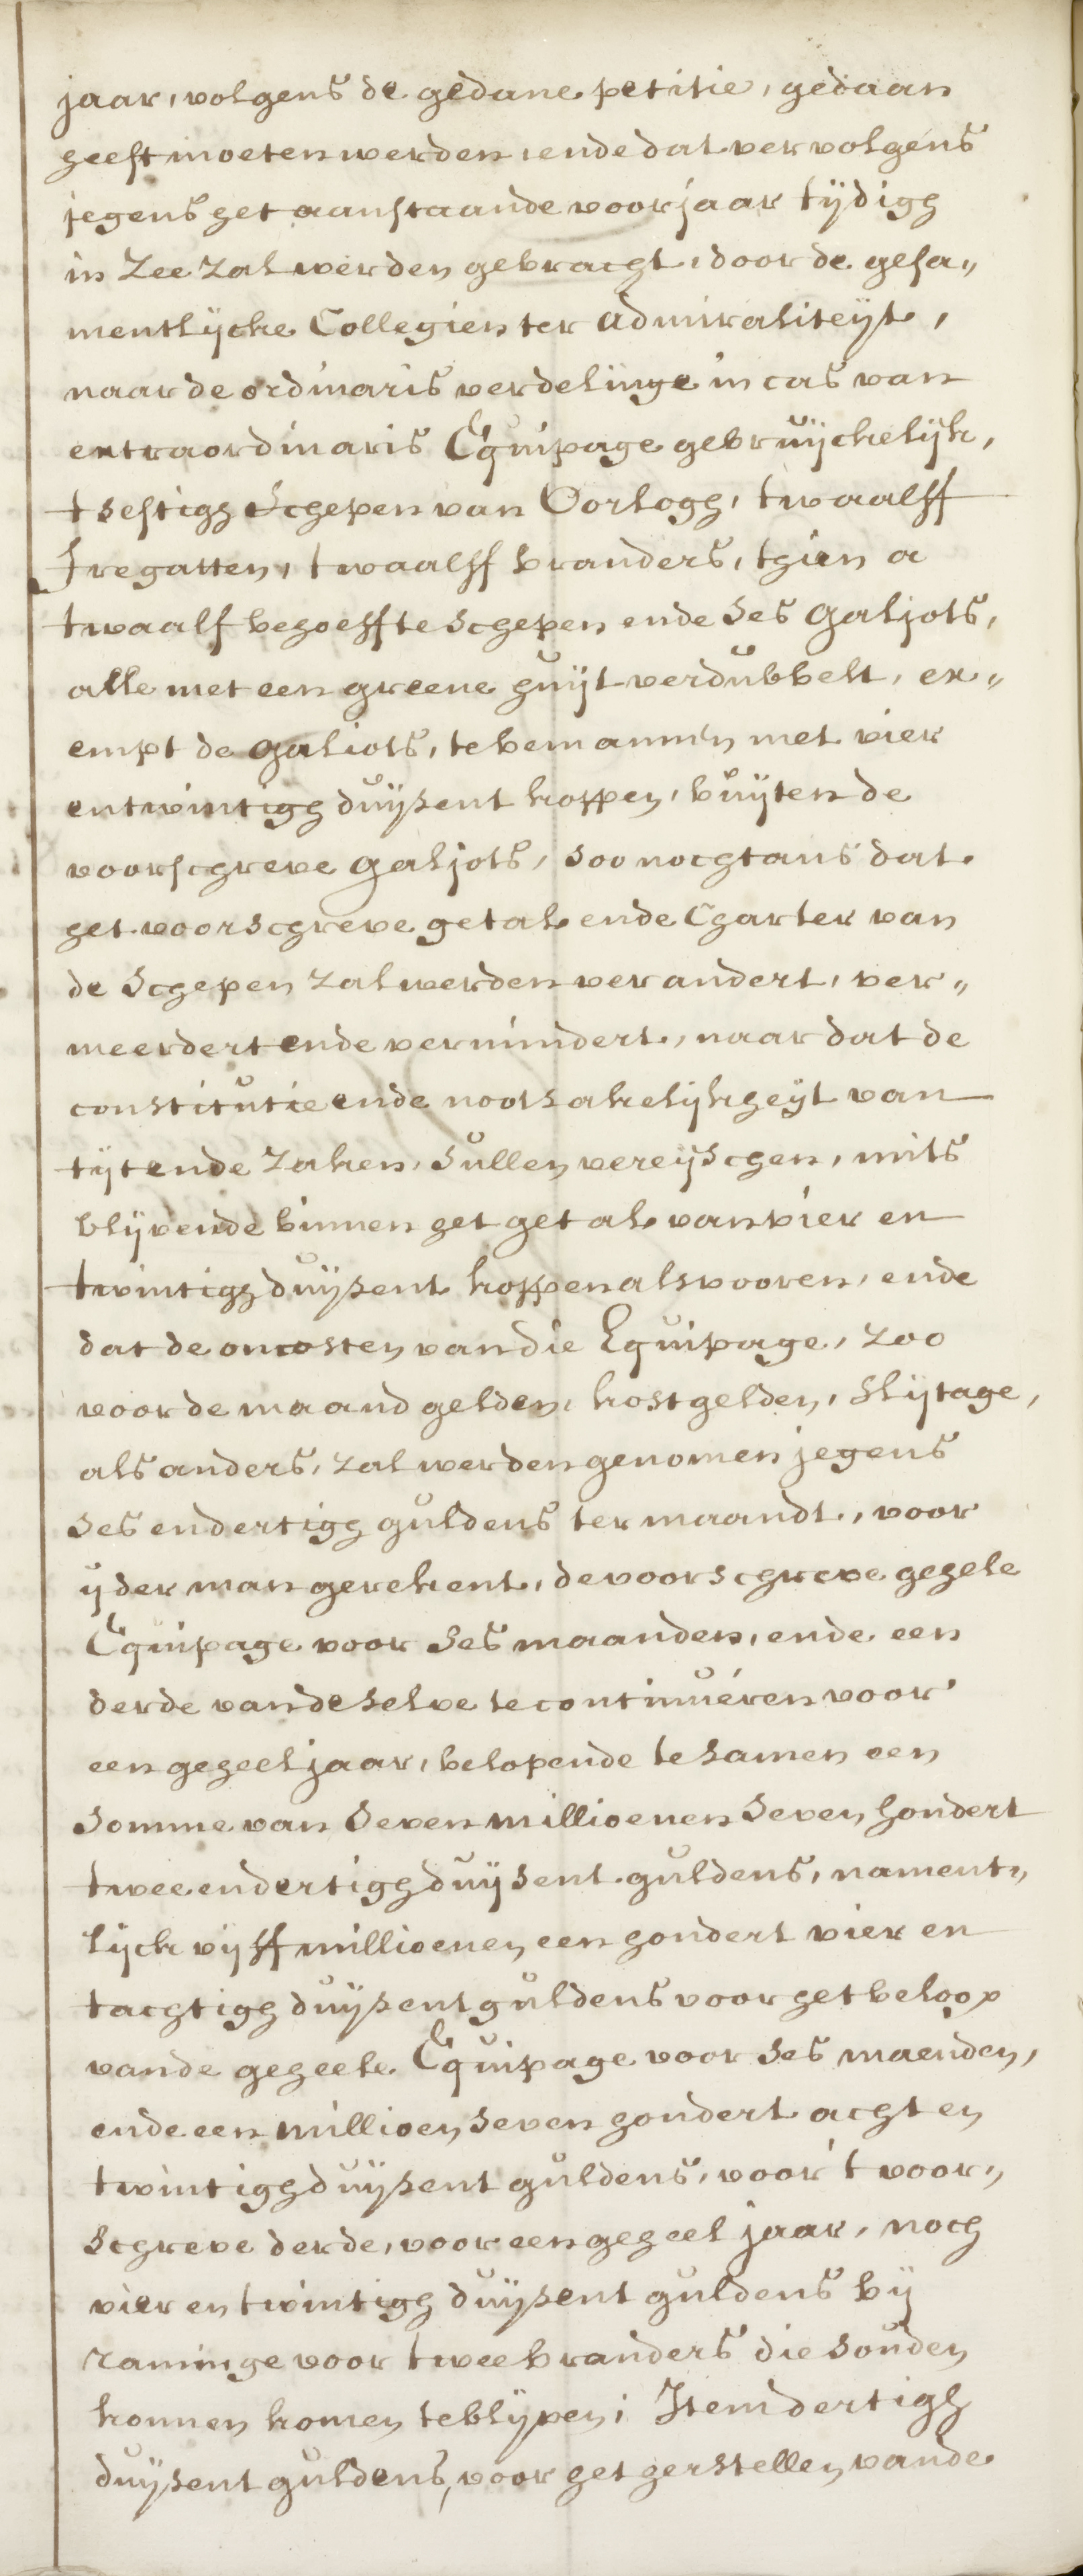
jaar, volgens de gedane petitie, gedaan
heeft moeten werden, ende dat vervolgens
jegens het aanstaande voorjaar tijdigh
in Zee zal werden gebracht, door de gesa„
mentlijcke Collegien ter admiraliteijt,
naar de ordinaris verdelinge in cas van
extraordinaris Equipage gebruijckelijk,
t sestigh Schepen van Oorlogh, twaalff
fregatten, twaalff branders, thien a
twaalf behoeffteschepen ende ses galjots,
alle met een greene huijt verdubbelt, ex„
empt de galiots, te bemannen met vier
entwintigh duijsent koppen, buijten de
voorschreve galjots, soo nochtans dat
het voorschreve getal ende Charter van
de Schepen zal werden verandert, ver„
meerdert ende vermindert, naar dat de
constitutie ende nootsakelijkheijt van
tijt ende zaken, sullen vereijschen, mits
blijvende binnen het getal van vier en
twintigh duijsent koppen als vooren, ende
dat de oncosten vandie Equipage, zoo
voor de maandgelden, kostgelden, slijtage,
als anders, zal werden genomen jegens
ses endertigh guldens ter maandt, voor
ijder man gerekent, de voorschreve gehele
Equipage voor ses maanden, ende een
derde van deselve te continueren voor
een geheel jaar, belopende tesamen een
somme van seven millioenen seven hondert
tweeendertighduijsent guldens, nament„
lijck vijffmillioenen een hondert vier en
tachtighduijsent guldens voor het beloop
vande geheele Equipage voor ses maenden,
ende een millioen seven hondert acht en
twintighduijsent guldens, voor ‛t voor„
schreve derde, voor een geheel jaar, noch
vier en twintigh duijsent guldens bij
raminge voor twee branders die souden
konnen komen te blijven; Item dertigh
duijsent guldens, voor het herstellen vande
